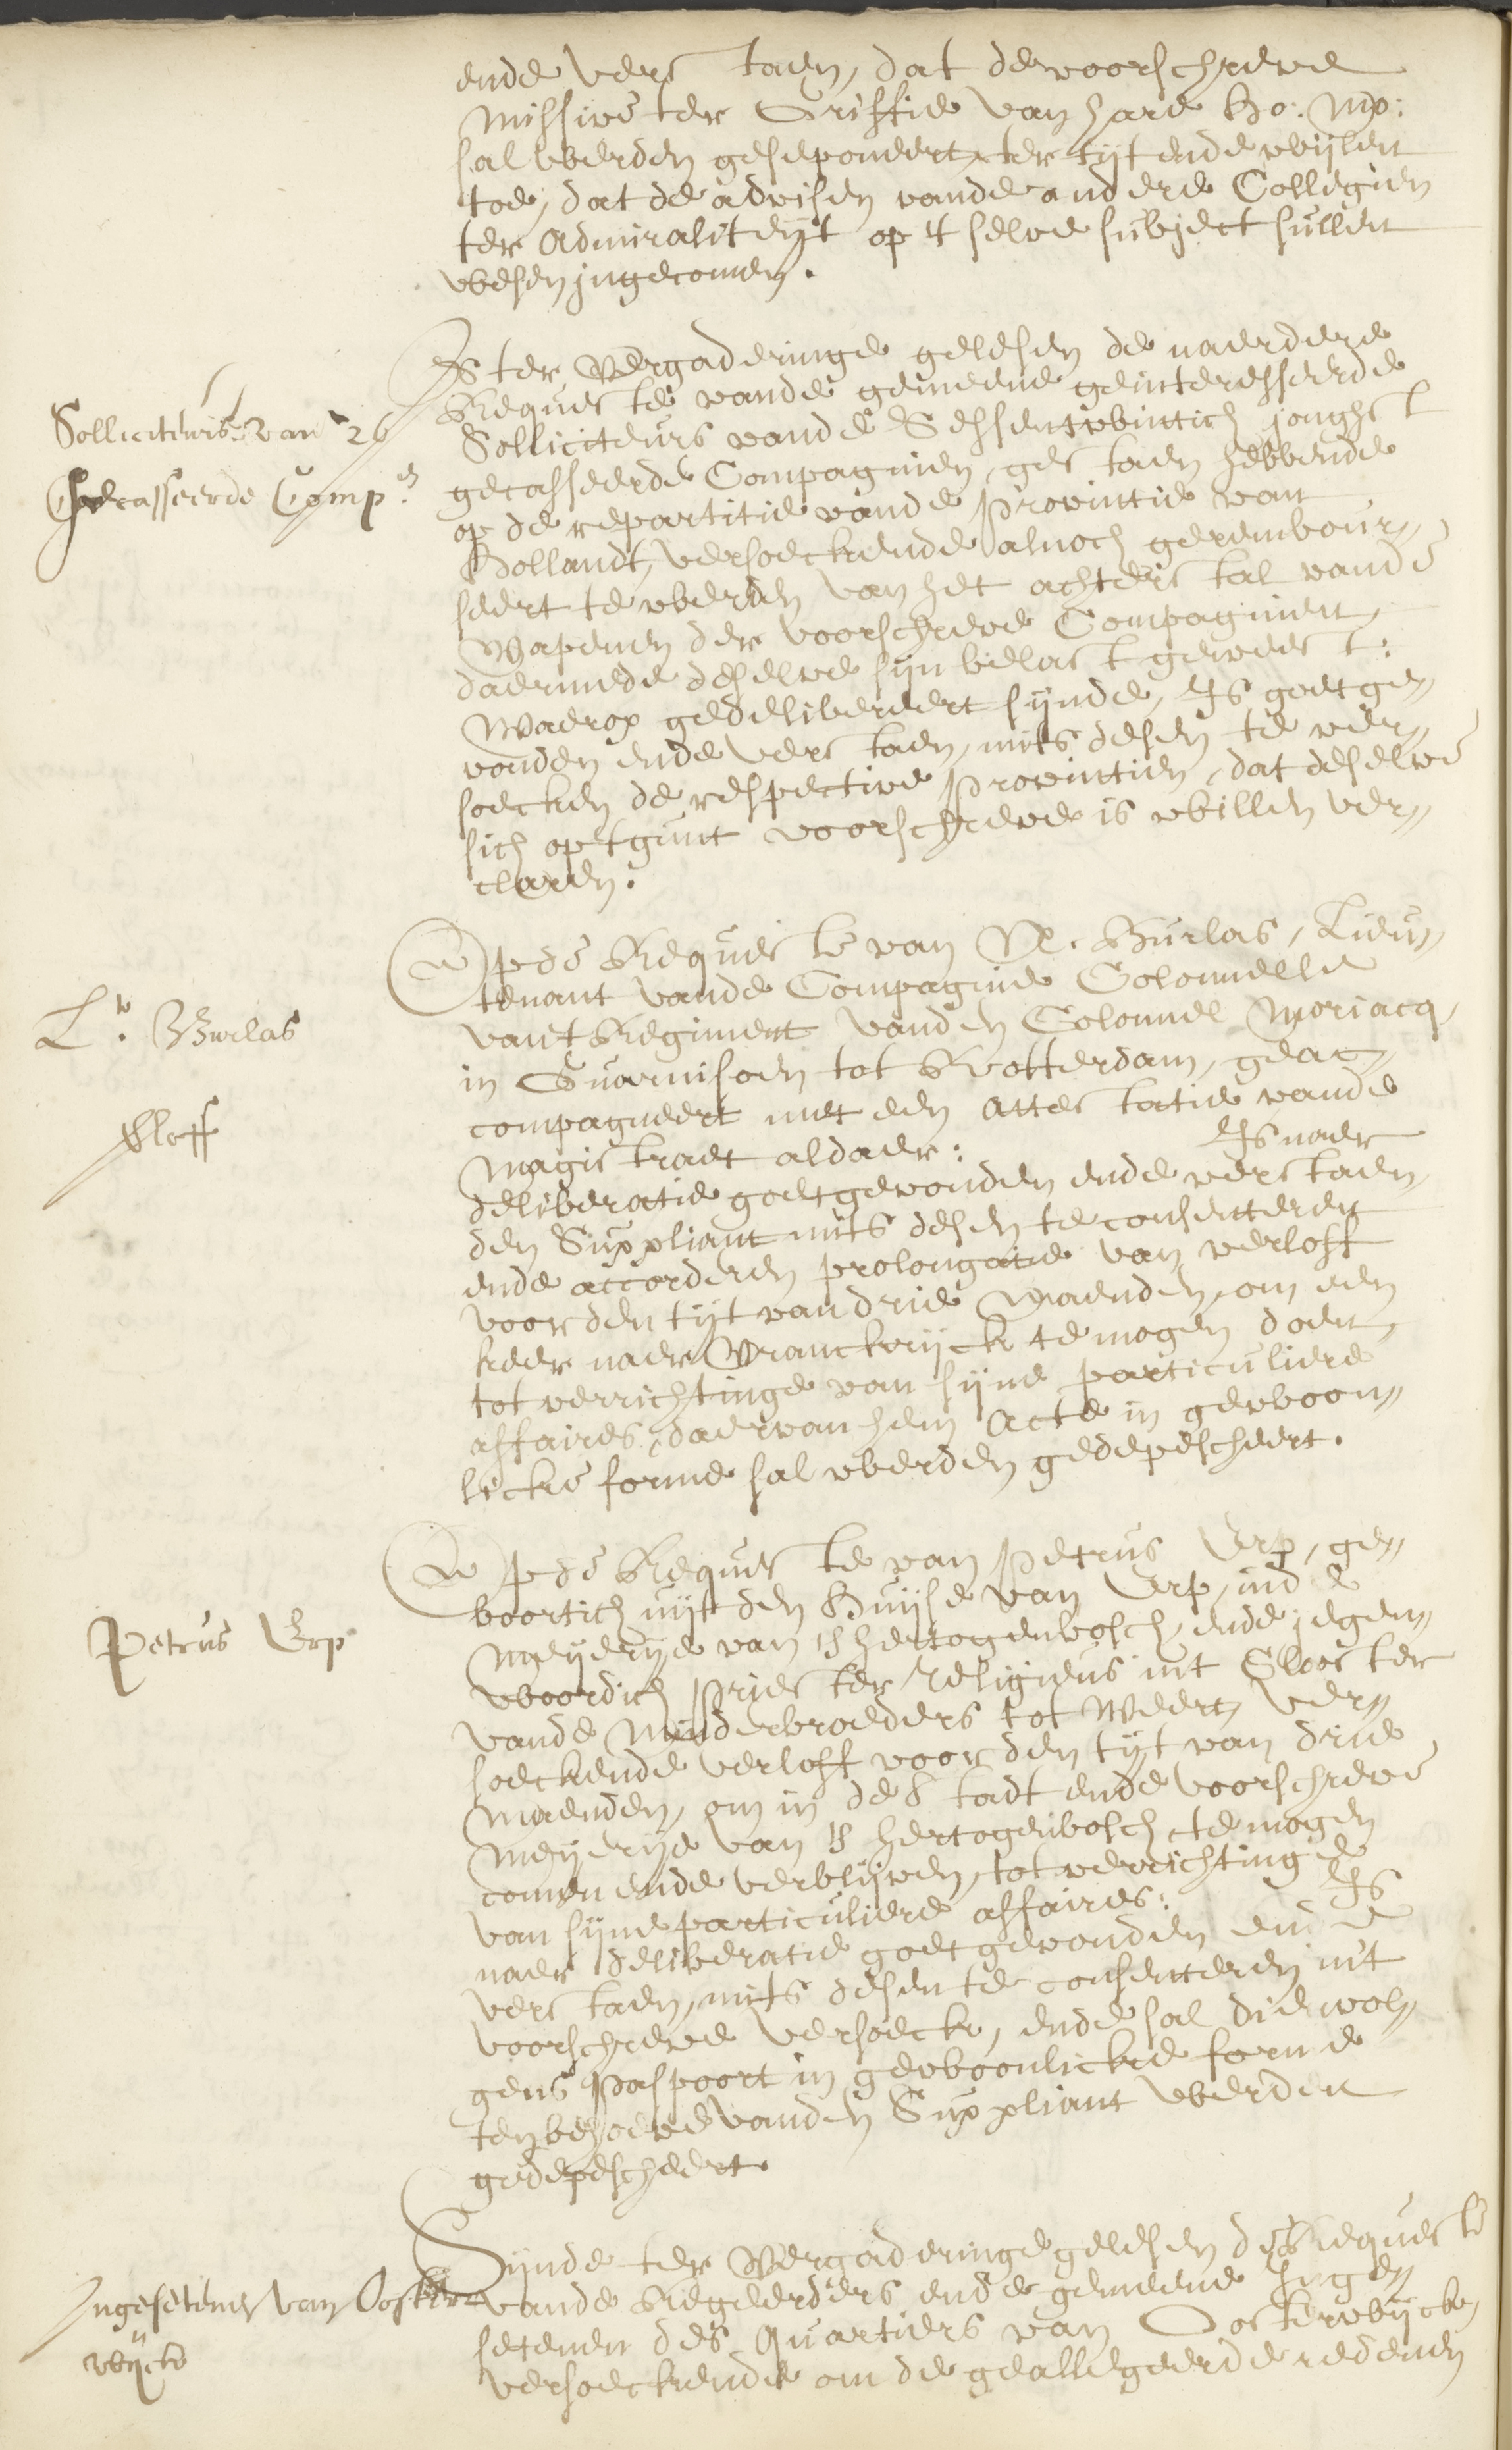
ende verstaen, dat de voorschreve
missive ter Griffie van hare Ho:Mo:
sal werden geseponeert, ter tijt ende wijlen
toe, dat de advisen vande andere Collegien
ter Admiraliteijt op 't selve subject sullen
wesen ingecomen.
Solliciteurs van 26
gecasseerde Compen.
Is ter Vergaderinge gelesen de naerdere
Requeste vande gemeene geinteresseerde
Solliciteurs vande Sessentwintich jonghst
gecasseerde Compagnien, gestaen hebbende
op de repartitie vande provintie van
Hollandt, versoeckende alnoch gerembour,,
seert te werden van het achterstal vande
wapenen der voorschreve Compagnien,
daermede deselve sijn belast geweest:
Waerop gedelibereert sijnde, Is goetge„
vonden ende verstaen, mits desen te ver„
soecken de respective provintien, dat deselve
sich op tgunt voorschreven is willen ver„
claren.
Lt Burlas
vloff
Opde Requeste van N. Burlas, Lieu„
tenant vande Compagnie Colonnelle
vant Regiment vanden Colonnel Moriacq,
in Guarnisoen tot Rotterdam, geac„
compagneert met een Attestatie vande
Magistraet aldaer: Is naer
deliberatie goetgevonden ende verstaen,
den Suppliant mits desen te consenteren,
ende accorderen prolongatie van verloff
voor den tijt van drie maenden, om een
keer naer Vranckrijck te mogen doen,
tot verrichtinge van sijne particuliere
affaires, daervan hem acte in gewoon„
licke forme sal werden gedepescheert.
Petrus Erp.
Op de Requeste van Petrus Erp, ge„
boortich uijt den Huijse van Erp, inde
Meijerije van 's Hertogenbosch, ende jegen,,
woordich priester religieus int Clooster
vande Minderbroeders tot Weert, ver„
soeckende verloff voor den tijt van drie
maenden, om in de Stadt ende voorschreve
Meijerije van 's Hertogenbosch, te mogen
comen ende verblijven, tot verrichtinge
van sijne particuliere affaires. Is
naer deliberatie goetgevonden ende
verstaen, mits desen te consenteren in't
voorschreve versoeck, ende sal dienvol,,
gens paspoort in gewoonlicke forme
ten behoeve vanden Suppliant werden
gedepescheert.
Ingesetenen van Ooster„
wijck
Sijnde ter Vergaderinge gelesen de Requeste
vande Regeerders ende gemeene Inge„
setenen des quartiers van Oosterwijck,
versoeckende om de geallegeerde redenen
